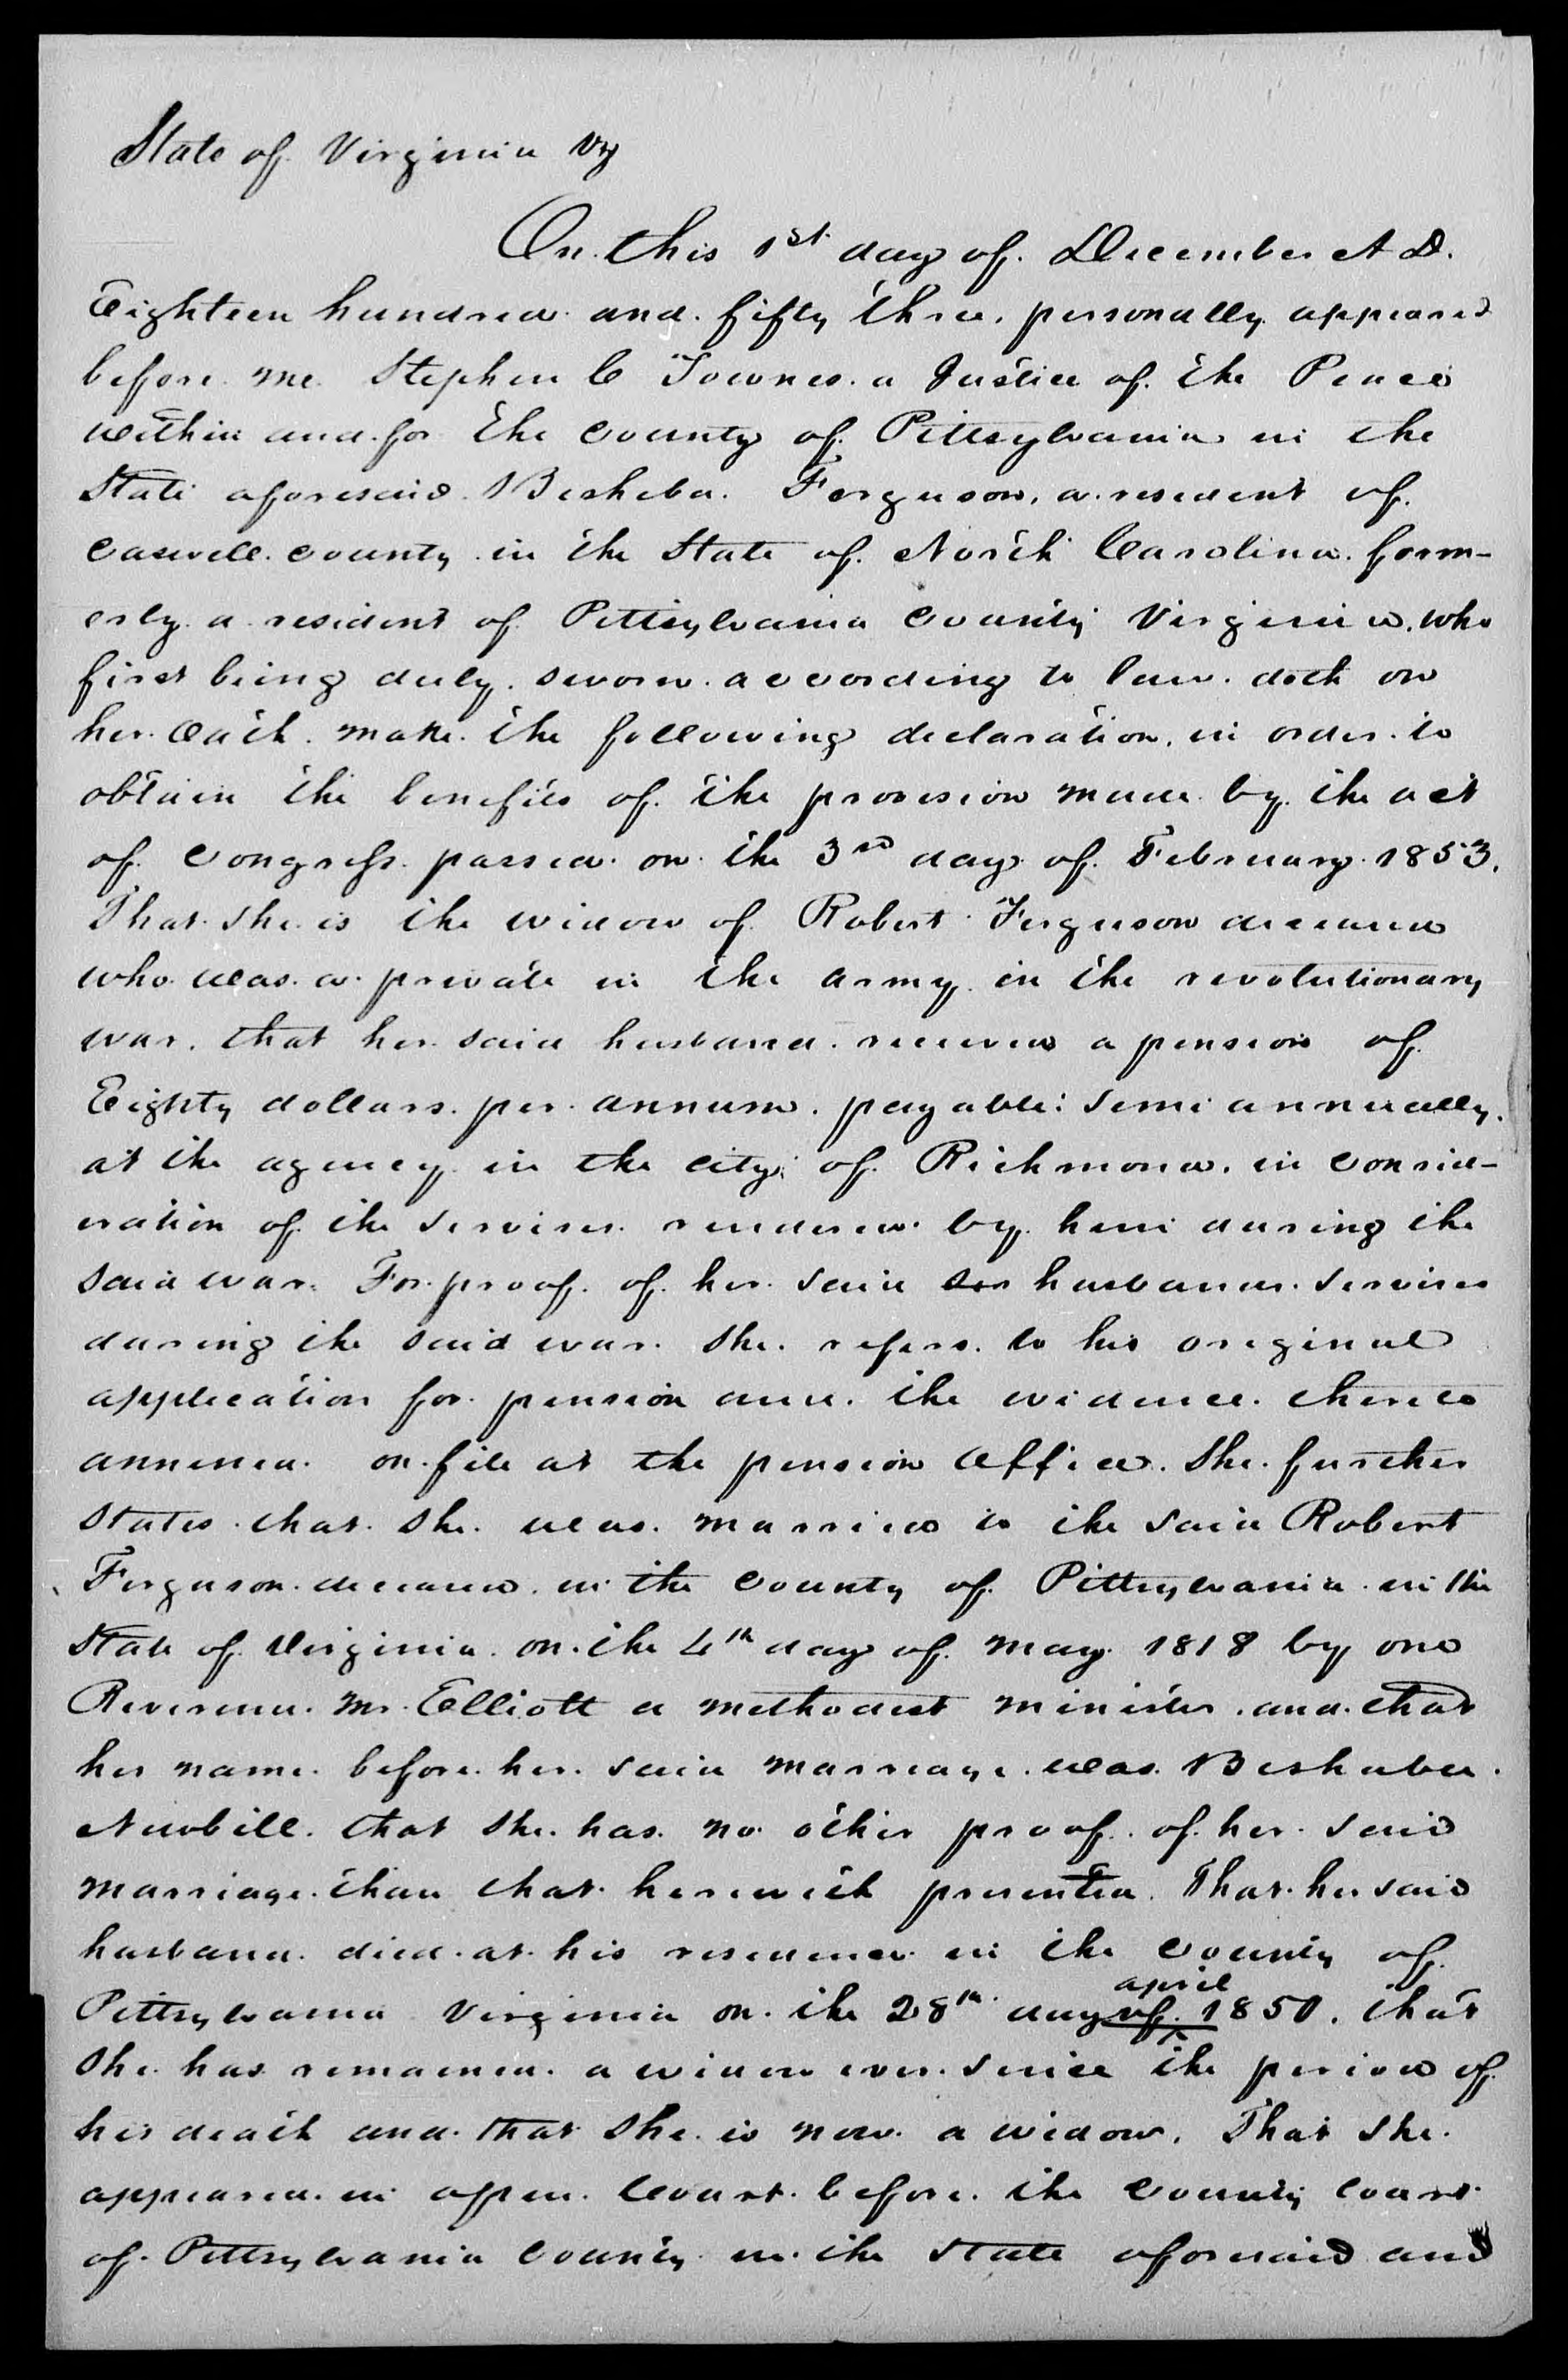State of Virginia viz
   On this 1st day of December AD.  Eighteen hundred and fifty three, personally appeared before me Mr. Stephen C. Townes a Justice of the Peace within and for the county of Pittsylvania in the State aforesaid Besheba Ferguson, a resident of Caswell county in the State of North Carolina formerly a resident of Pittsylvania County Virginia  who first being duly sworn according to law doth on his oath make the following declaration in order to obtain the benefits of the provision made by the act of Congress passed on the 3fd May of February 1853. That she is the widow of Robert Ferguson deceased wo was a private in the army in the revolutionary war that her said husband received a pension of Eighty dollars per annum payable: semi annually at the agency in the city of Richmond. in consideration of the service rendered by him during the said was. For proof of her said husband's services during the said war she refers to his original application for pension and the evidence there is                 on file as the pension office. She further states that she was married to the said Robert Ferguson deceased in the county of Pittsylvania in the State of Virginia on the 4th day of May 1818 by one Reverend Mr. Elliott a Methodist minister and that her name before her said marriage was Besheba Newbill. that she has no other proof of her said marriage than that herewith presented. That her said husband died at his residence in the county of Pittsylvania Virginia on the 28th day of April 1850. that she has remained a widow ever since the period of his death and that she is now a widow. That she appeared in open court before the county court of Pittsylvania county in the state aforesaid and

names: Elliott, Robert Ferguson, Robert Ferguson, Besheba Ferguson, Stephen C Townes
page: 74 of 81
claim: widow's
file: W. 7262, Robert Ferguson, Va.